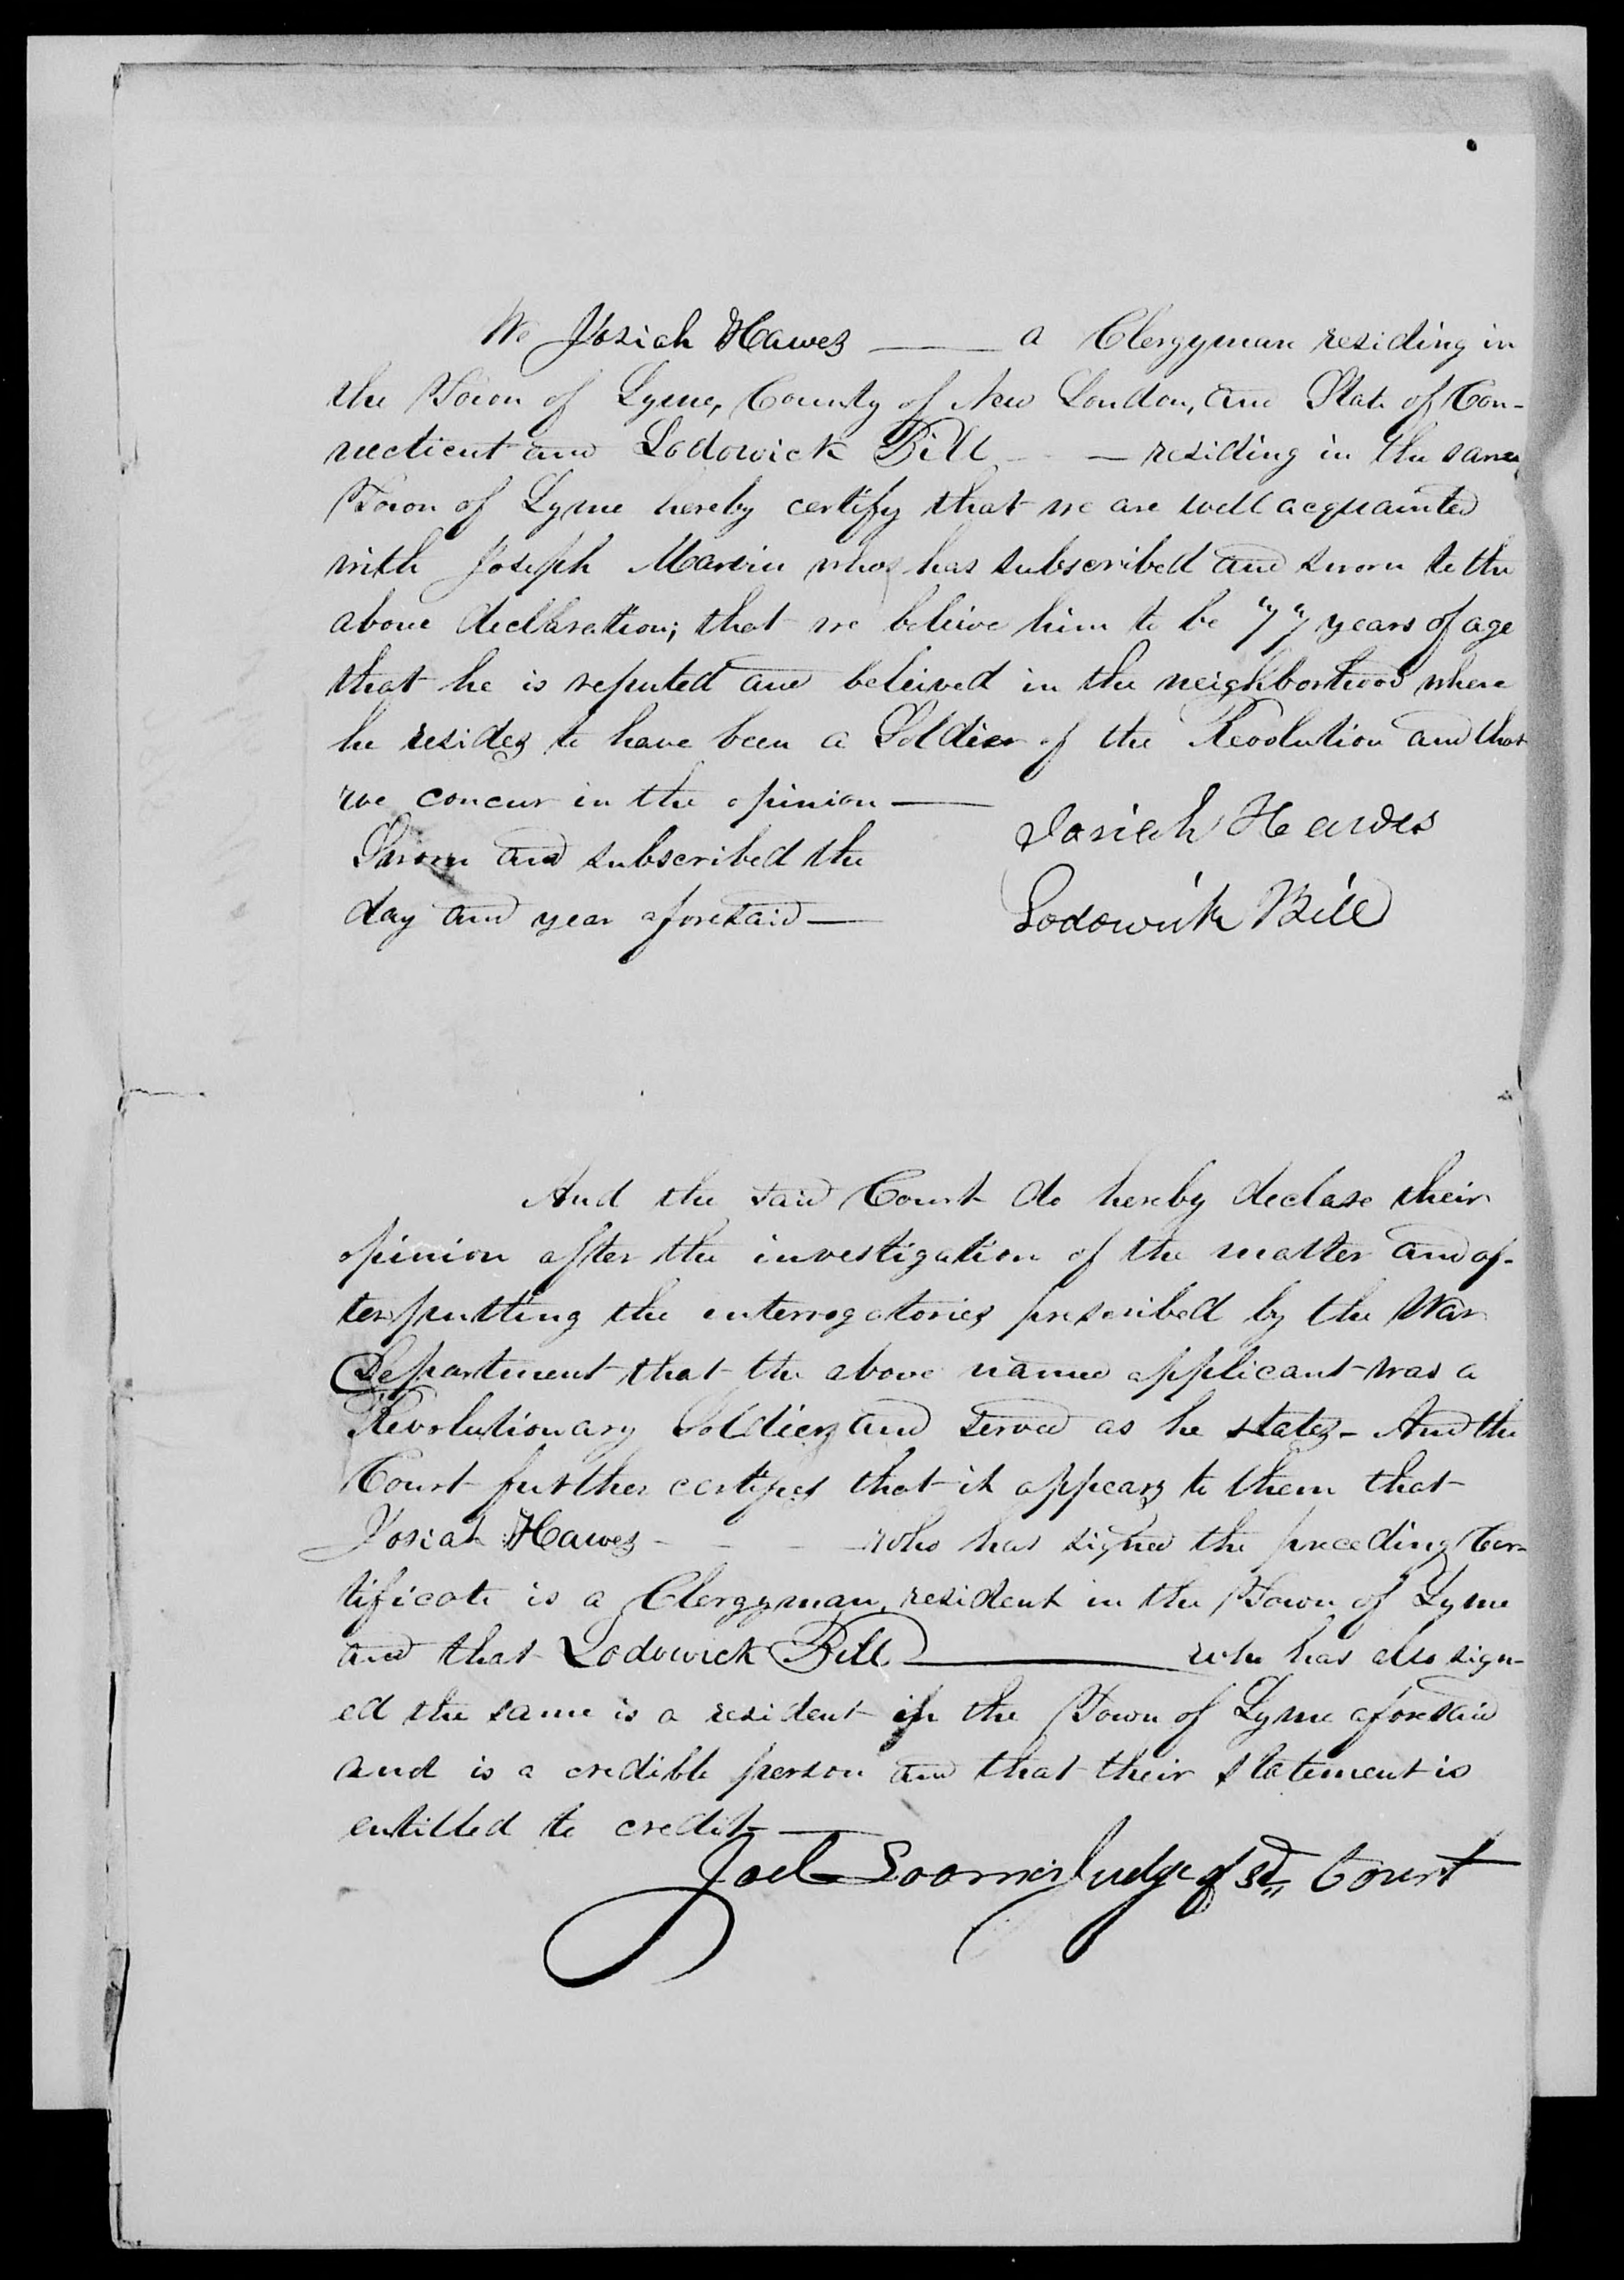We Josiah Hawes a clergyman residing in the Town of Lyme, County of New London and State of Connecticut and Lodowick Bill residing in the same town of Lyme hereby certify that we are well acquainted with Joseph Marvin who has subscribed and sworn to the above declaration; that we believe him to be 77 years of age that he is refuted and believed in the neighborhood where he resides to have been a Soldier of the Revolution and that we concur in the opinion. 
Sworn and subscribed the day and year aforesaid. 
Josiah Hawes 
Lodowick Bill 
And the said Court do hereby declare their opinion after the investigation of the matter and after putting the interrogatories prescribed by the War Department that the above name applicant was a Revolutionary Soldier and served as he states.  And this Court further certifies that it appears to them that Josiah Hawes who has signed the preceding Certificate is a Clergyman, resident in the Town of Lyme and that Lodowick Bill who has also signed the same is a resident in the town of Lyme aforesaid and is a credible person and that their statement is entitled to credit. 
Jack Loomis Judge of said Court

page: 16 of 20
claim: survivor's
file: S. 15,516, for Joseph Marvin, Connecticut